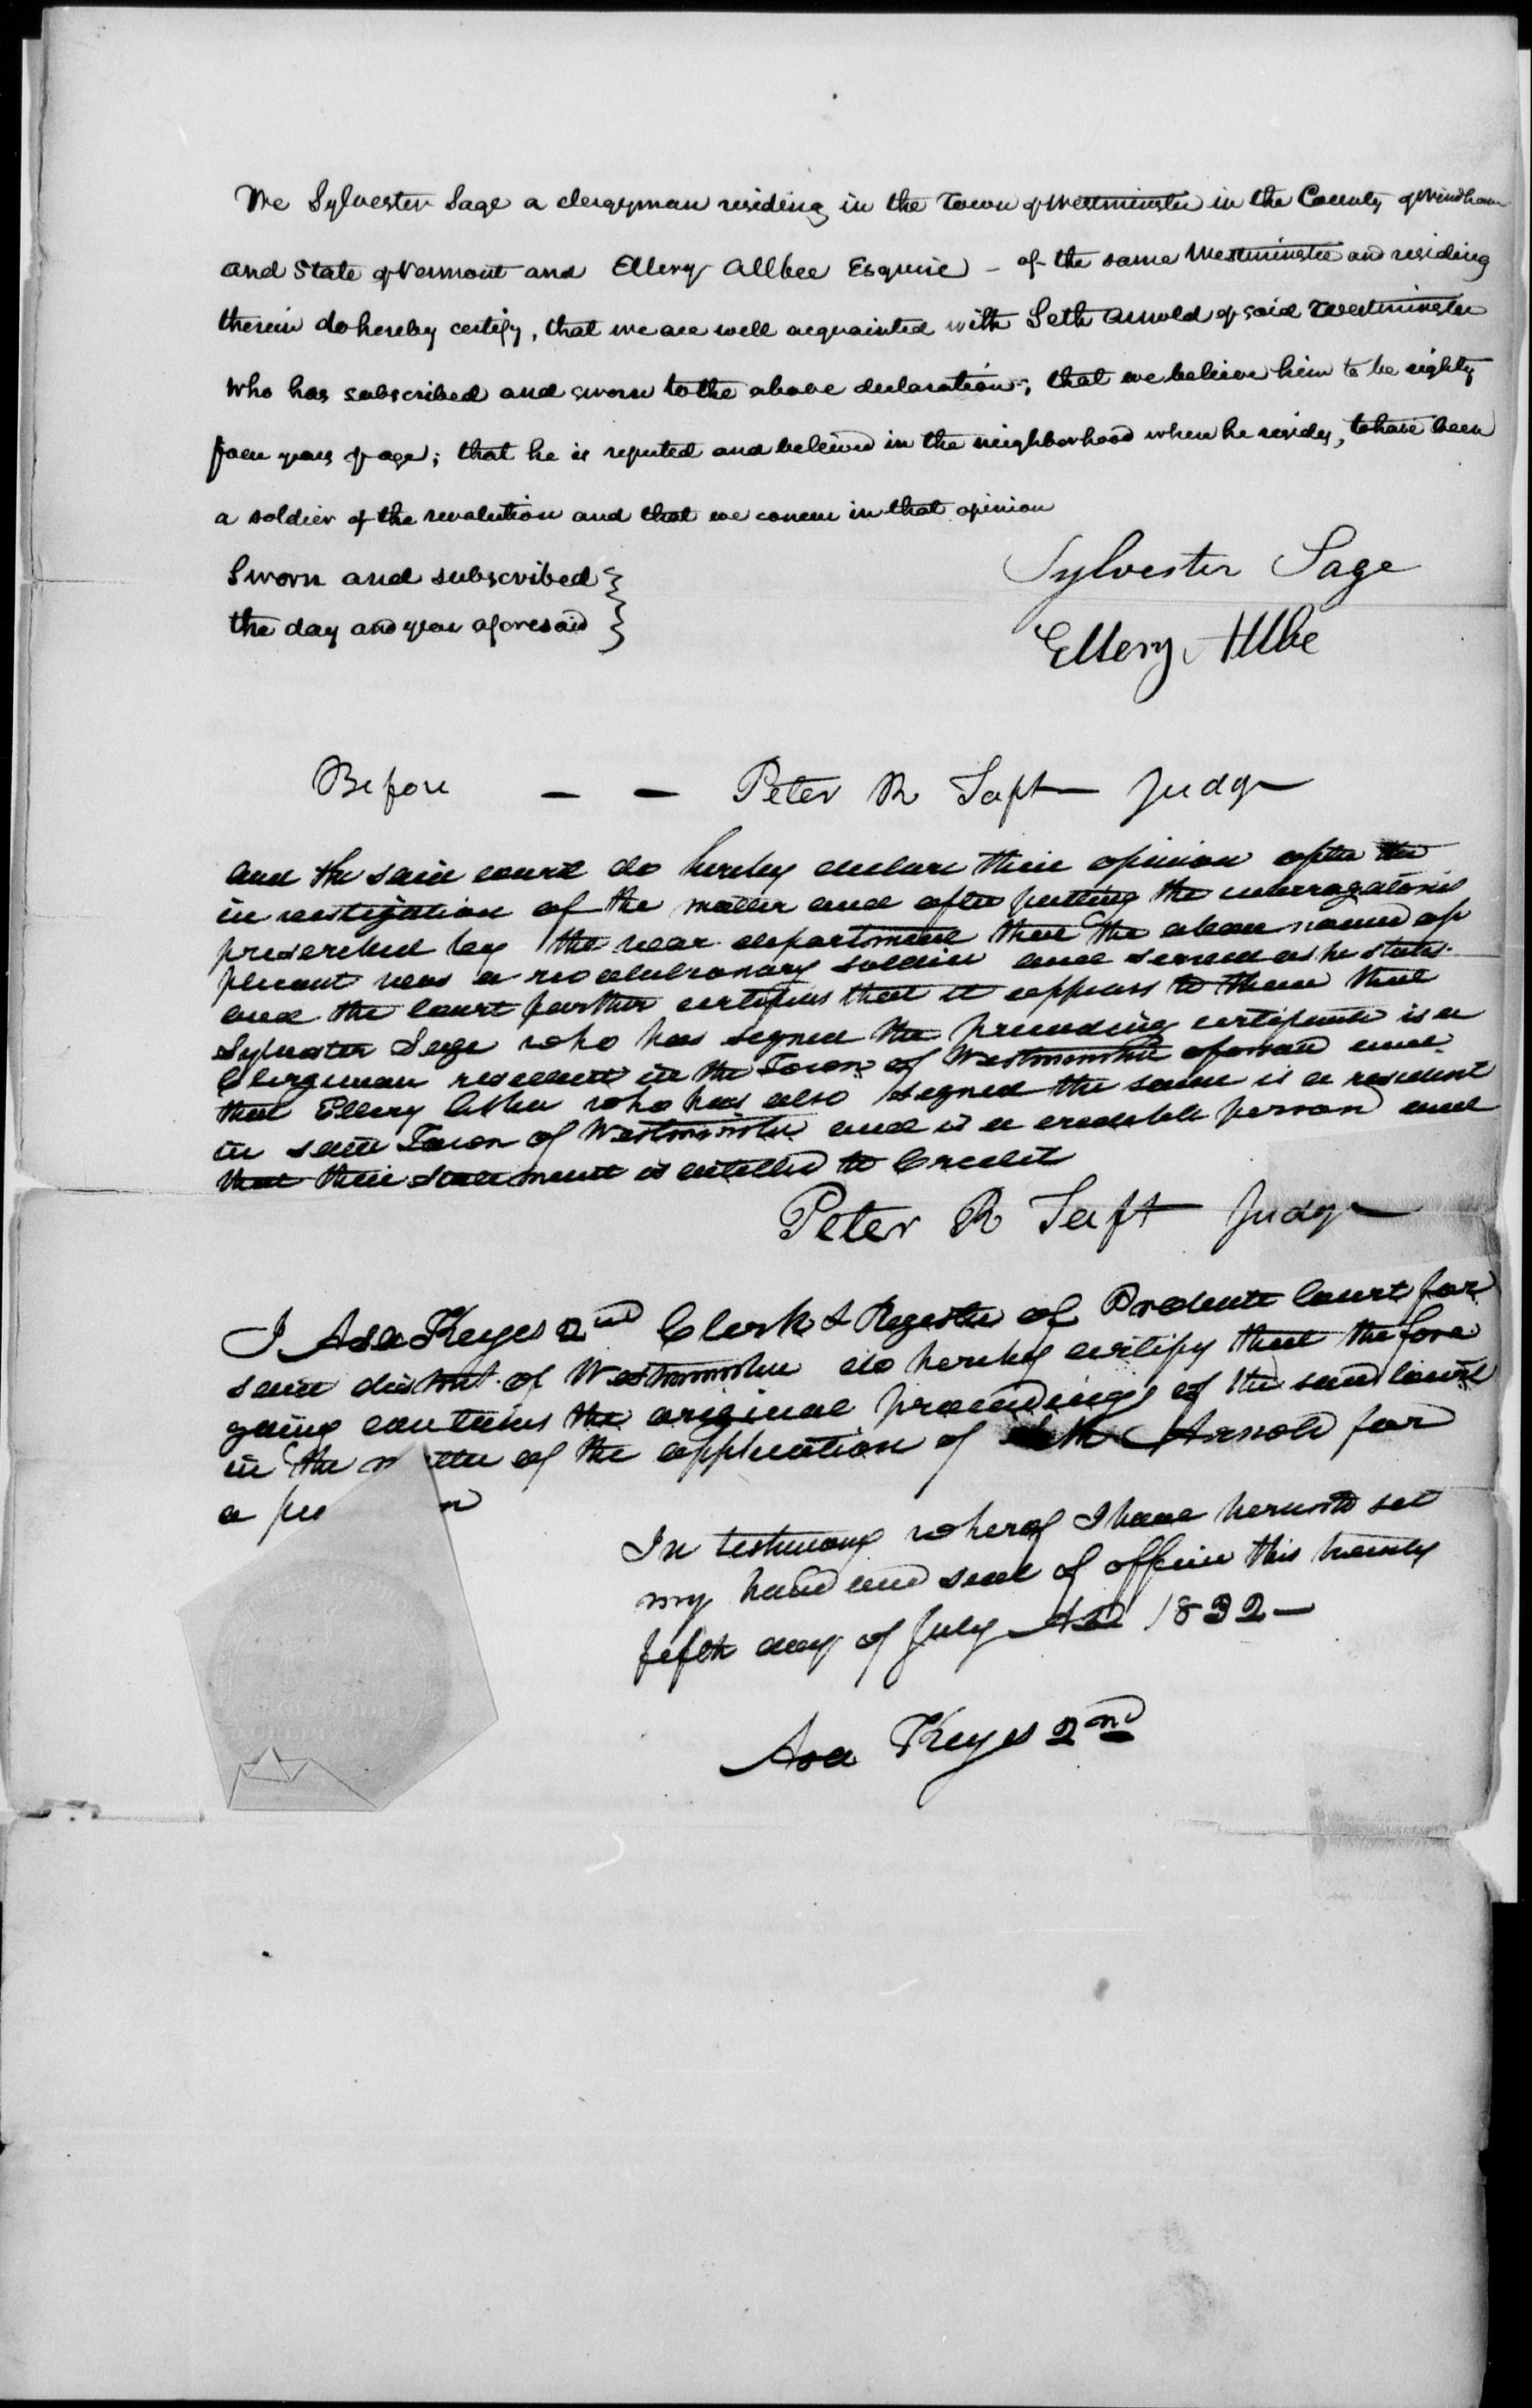We Sylvester Sage a clergyman residing in the Town of Westminster in the County of Windham and State of Vermont and Ellery Allbee Esquire - of the same Westminster and residing therein do hereby certify that we are well acquainted with Seth Arnold of said Westminster who has subscribed and sworn to the above declaration; that we believe him to be eighty four years of age; that he is reputed and belived in the neighborhood where he resides, to have been a soldier of the revolution and that we concur in that opinion.

Sworn and subscribed the and year aforesaid} 

Sylvester Sage
Ellery Allbe

Before -- Peter R Taft Judge

and the said court do hereby declare their opinion after investigation of the matter and afgter putting the interragations prescribed by the war department there the above named applicant was a revolutionary soldier and served as he states.  And the court further certifies that it appears to these that Sylester Sage who has signed the preceeding certificate is a clergyman residing in the Town of Westminster aforesaid and that Ellery Allbe wha has also signed the same is a resident in the Town of Westminster and is a reliable person and that these statements are entitles to credit

Peter R Taft Judge

I Asa Keyes 2nd Clerk a& Registrar of Probate Court for said District of Westminster do hereby certify that the fore going [illegible] the original proceedings of the said court in the matter of the application of Seth Arnold for a pension.  [SEAL]

In testimonry whereof I have hereunto set my hand and seal of office this twenty fifth day of July AD 1832 -

Asa Keyes 2nd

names: Sylvester Sage, Sylvester Sage, Peter R Taft, Ellery Allbe, Ellery Albee, Asa Keyes, Asa Keyes, Peter R Taft, Sylvester Sage, Seth Arnold, Ellery Allbee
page: 5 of 9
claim: survivor's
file: S. 18690, Seth Arnold, Conn. Privateer